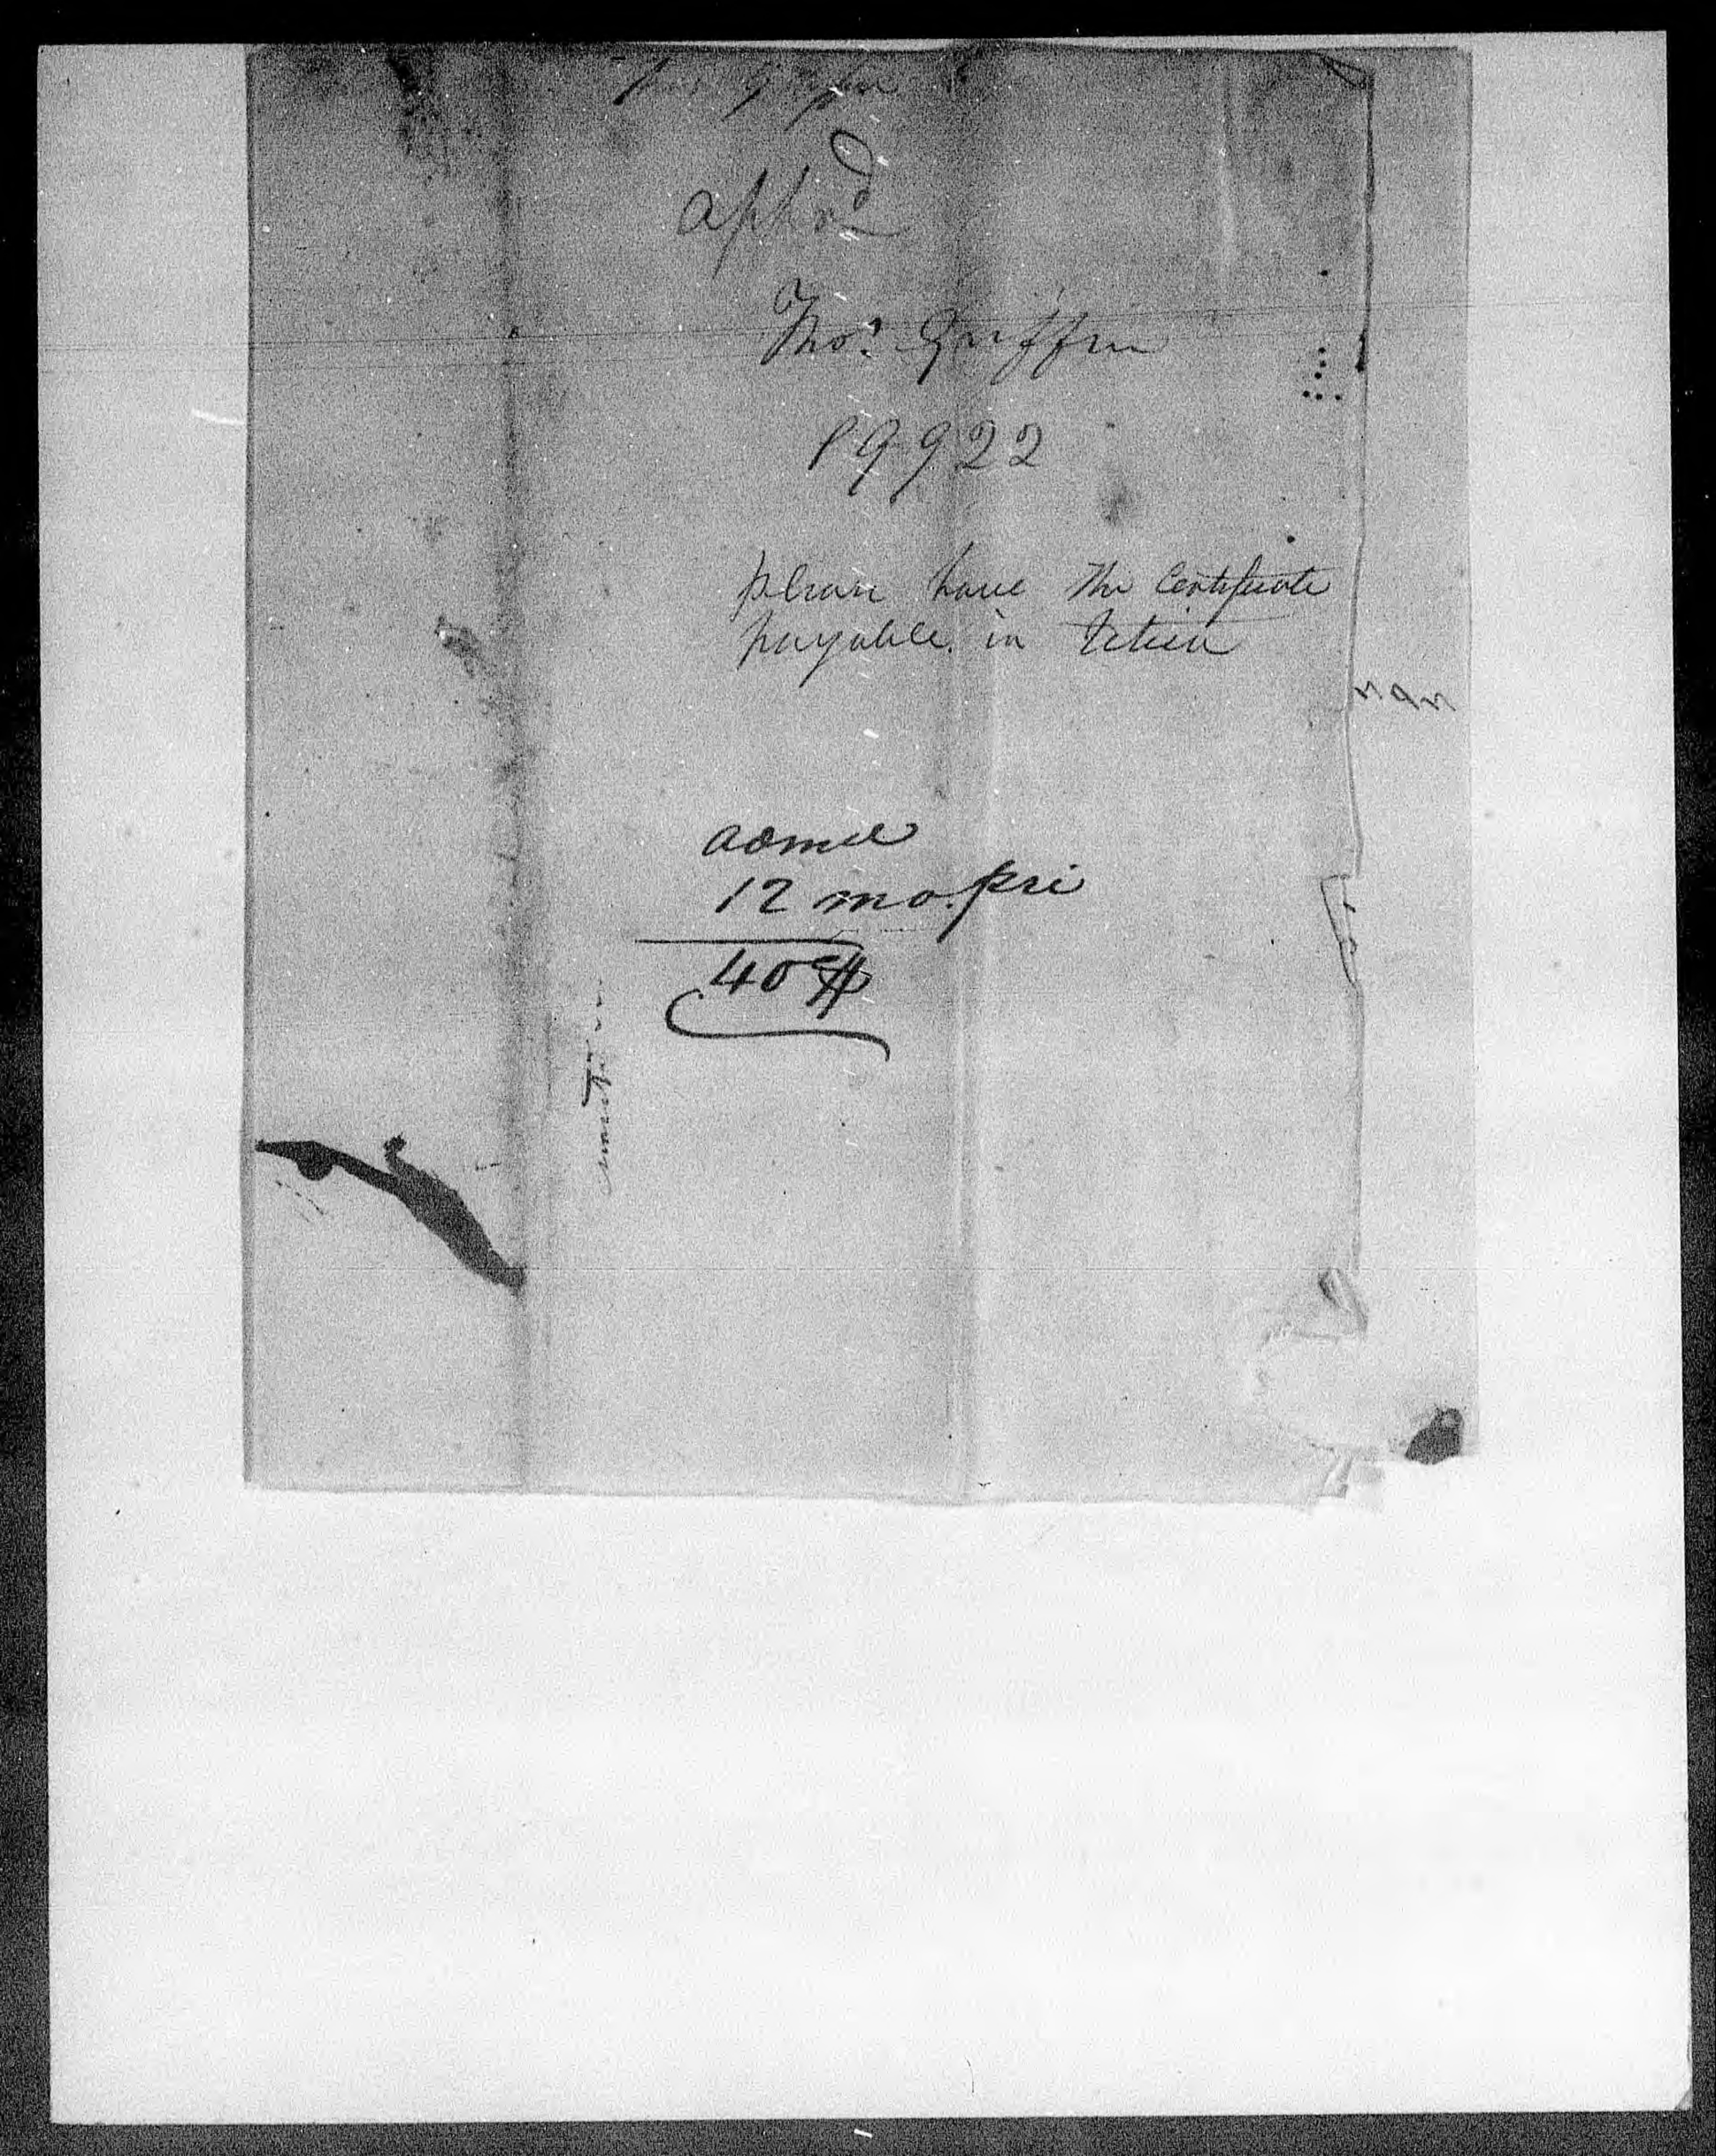appvd
Thos. Griffin
19922
please have the certificate payable in [illegible]
Admd
12 mo. pri
[$] 40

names: Thos Griffin, Thos Griffin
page: 39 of 60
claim: widow's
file: W. 19,537, Thomas Griffin, Conn.